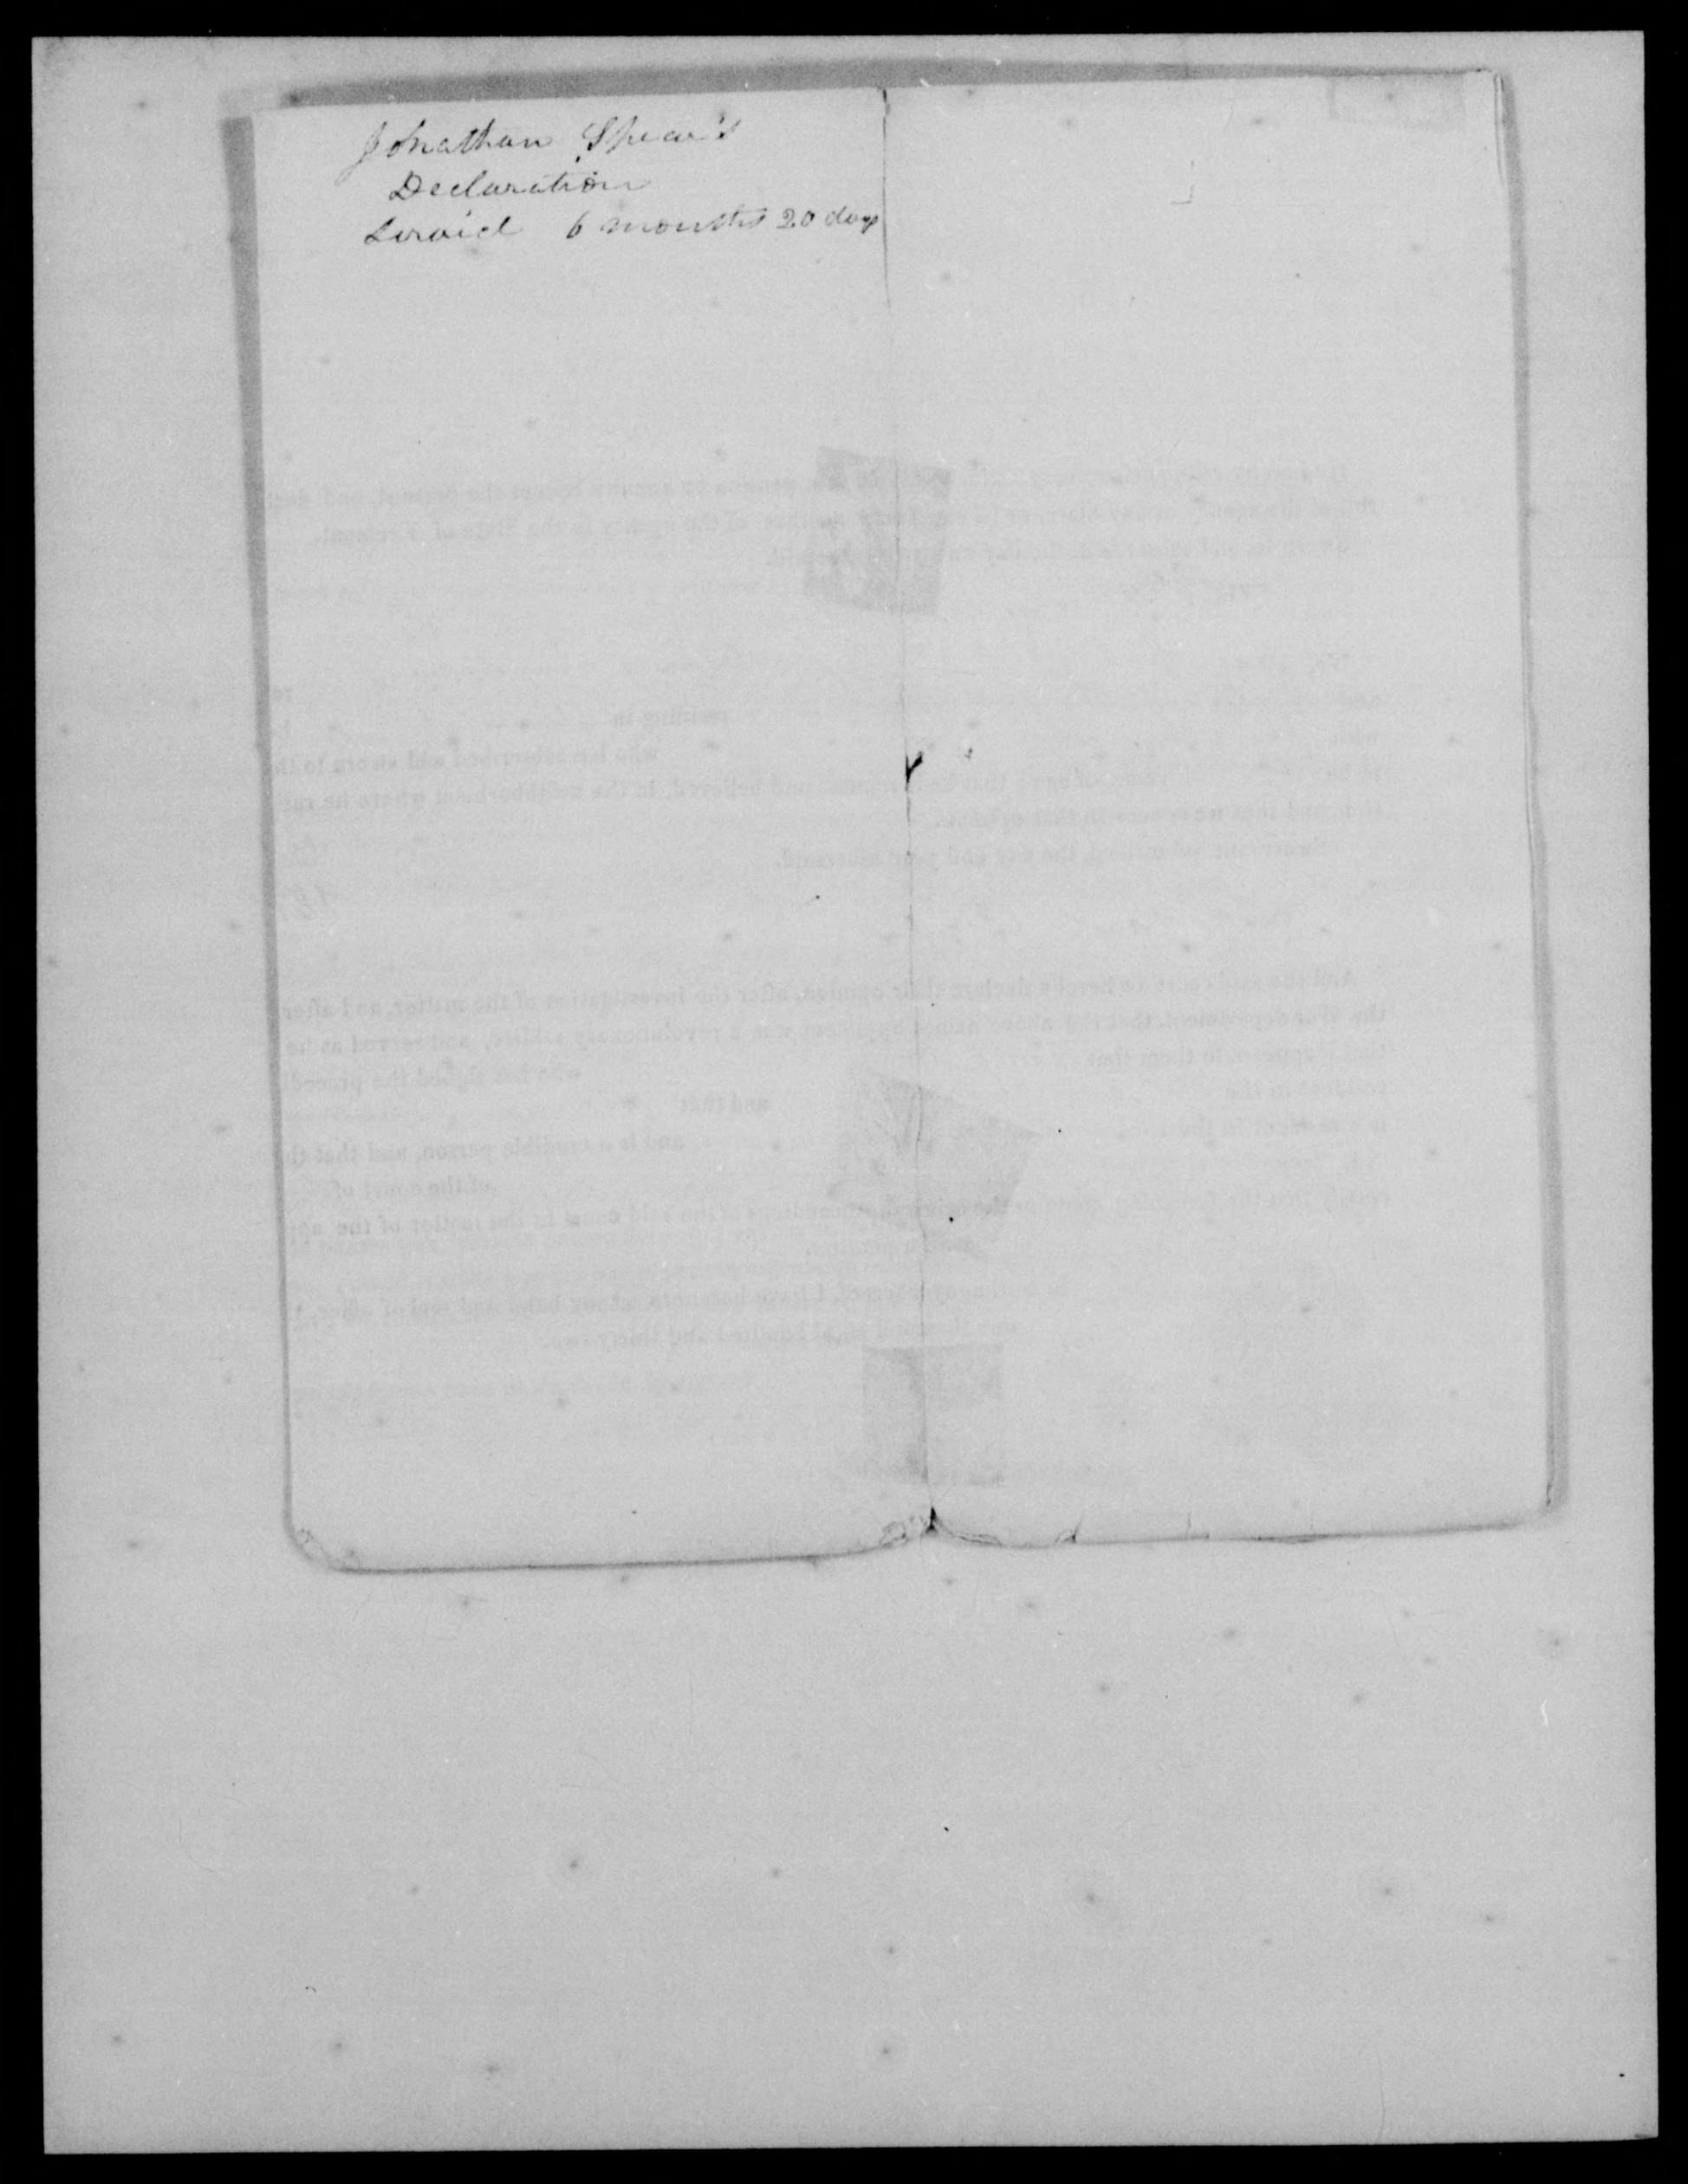Jonathan Spears
Declaration
Service 6 months 20 days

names: Jonathan Spear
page: 6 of 65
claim: widow's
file: W. 7197, for Jonathan Spear, Vermont